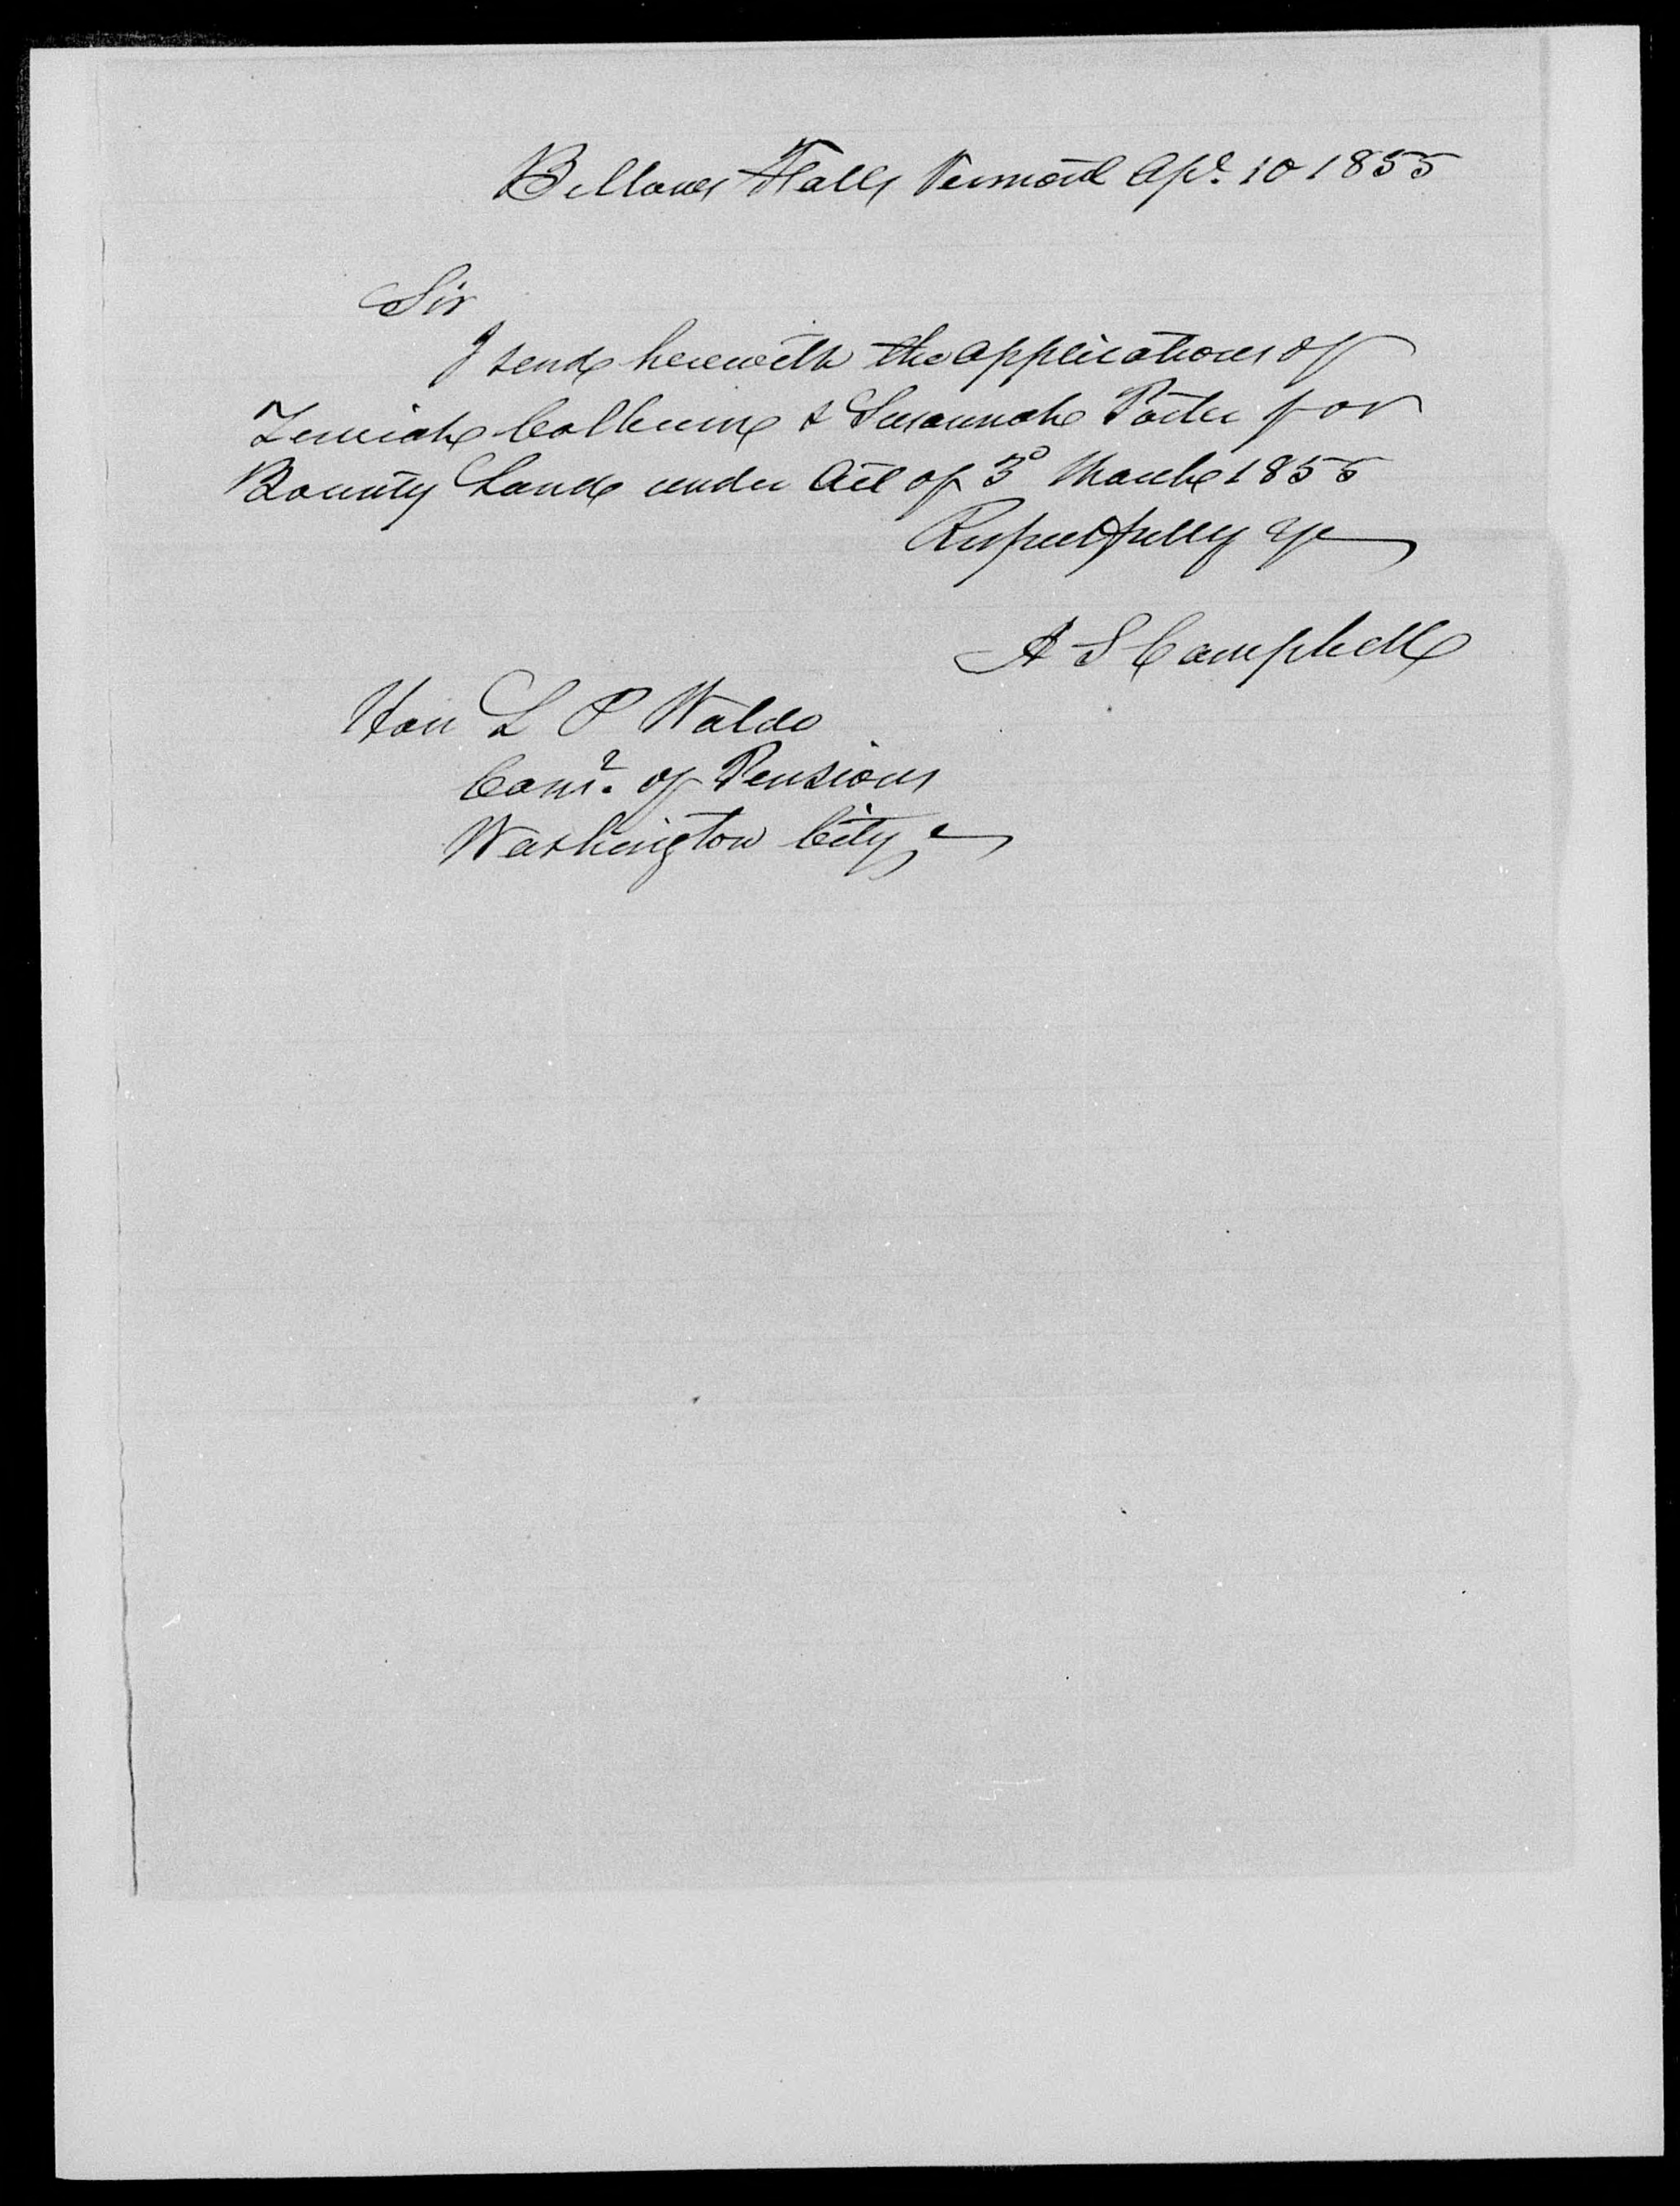Bellows Falls Vermont Apl. 10 1855

Sir
I send herewith the application of Zerniah [illegible] & Susannah Porter for Bounty Land under Act of 3d March 1855
Respectfully yr
A S Campbell

Hon L P Waldo
Comr. of Pensions
Washington City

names: L P Waldo; A S Campbell; Zerniah Calhoun; Susannah Porter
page: 40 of 49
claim: widow's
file: W. 2164, for George Porter, Massachusetts